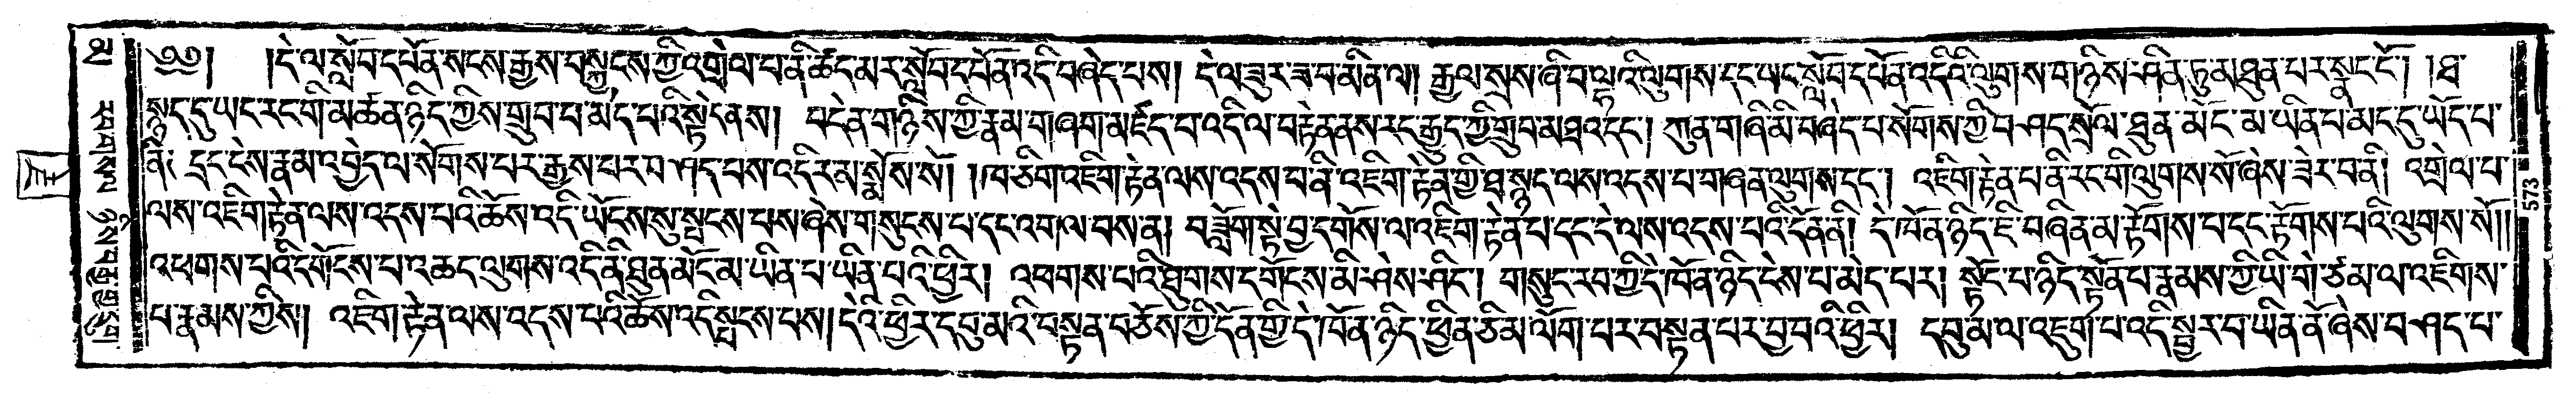༄༅། །དེ་ལ་སློབ་དཔོན་སངས་རྒྱས་བསྐྱངས་ཀྱི་འགྲེལ་བ་ནི་ཚད་མར་སློབ་དཔོན་འདི་བཞེད་པས། དེ་ལ་ཟུར་ཟ་བ་མིན་ལ། རྒྱལ་སྲས་ཞི་བ་ལྷའི་ལུགས་དང་ཡང་སློབ་དཔོན་འདིའི་ལུགས་གཉིས་ཤིན་ཏུ་མཐུན་པར་སྣང་ངོ། །ཐ་
སྙད་དུ་ཡང་རང་གི་མཚན་ཉིད་ཀྱིས་གྲུབ་པ་མེད་པའི་སྟེང་ནས། བདེན་གཉིས་ཀྱི་རྣམ་གཞག་མཛད་པ་འདི་ལ་བརྟེན་ནས་རང་རྒྱུད་ཀྱི་གྲུབ་མཐའ་དང་། ཀུན་གཞི་མི་བཞེད་པ་སོགས་ཀྱི་བཤད་སྲོལ་ཐུན་མོང་མ་ཡིན་པ་མང་དུ་ཡོད་པ་
ནི༑ དྲང་ངེས་རྣམ་འབྱེད་ལ་སོགས་པར་རྒྱས་པར་བཤད་པས་འདིར་མ་སྨོས་སོ། །ཁ་ཅིག་འཇིག་རྟེན་ལས་འདས་པ་ནི་འཇིག་རྟེན་གྱི་ཐ་སྙད་ལས་འདས་པ་གཞན་ལུགས་དང་། འཇིག་རྟེན་པ་ནི་རང་གི་ལུགས་སོ་ཞེས་ཟེར་བ་ནི། འགྲེལ་པ་
ལས་འཇིག་རྟེན་ལས་འདས་པའི་ཆོས་འདི་ཡོངས་སུ་སྤངས་པས་ཞེས་གསུངས་པ་དང་འགལ་བས་ན། བཟློག་སྟེ་བྱ་དགོས་ལ་འཇིག་རྟེན་པ་དང་དེ་ལས་འདས་པའི་དོན་ནི། དེ་ཁོ་ན་ཉིད་ཇི་བཞིན་མ་རྟོགས་པ་དང་རྟོགས་པའི་ལུགས་སོ།།
འཕགས་པའི་དགོངས་པ་འཆད་ལུགས་འདི་ནི་ཐུན་མོང་མ་ཡིན་པ་ཡིན་པའི་ཕྱིར། འཕགས་པའི་ཐུགས་དགོངས་མི་ཤེས་ཤིང་། གསུང་རབ་ཀྱི་དེ་ཁོ་ན་ཉིད་ངེས་པ་མེད་པར། སྟོང་པ་ཉིད་སྟོན་པ་རྣམས་ཀྱི་ཡི་གེ་ཙམ་ལ་འཇིགས་
པ་རྣམས་ཀྱིས། འཇིག་རྟེན་ལས་འདས་པའི་ཆོས་འདི་སྤངས་པས། དེའི་ཕྱིར་དབུ་མའི་བསྟན་བཅོས་ཀྱི་དོན་གྱི་དེ་ཁོ་ན་ཉིད་ཕྱིན་ཅི་མ་ལོག་པར་བསྟན་པར་བྱ་བའི་ཕྱིར། དབུ་མ་ལ་འཇུག་པ་འདི་སྦྱར་བ་ཡིན་ནོ་ཞེས་བཤད་པ་